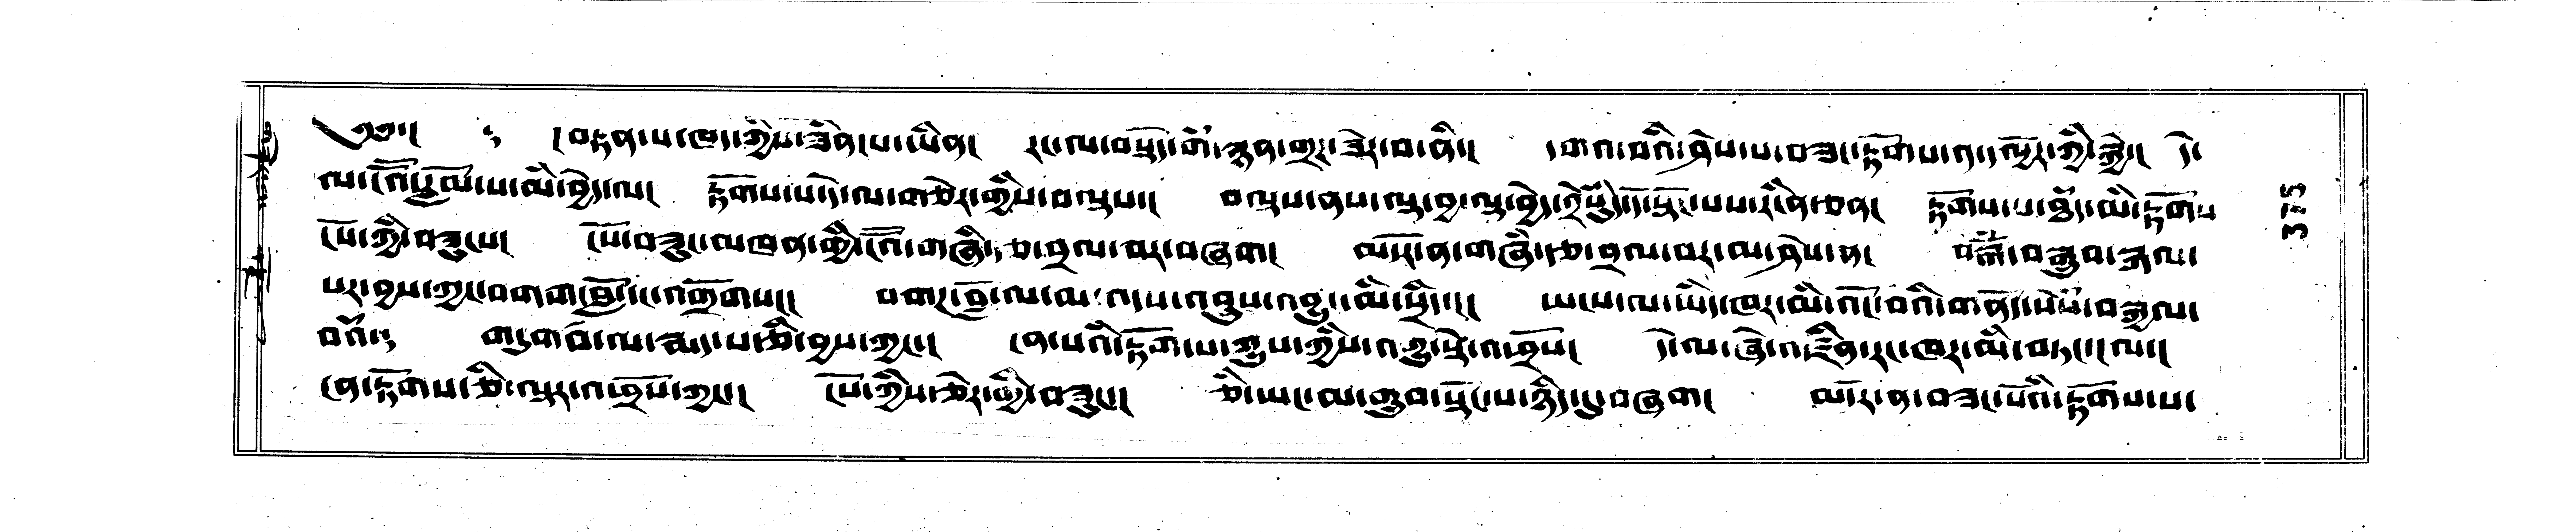བརྟན་པ་ཁད་ཀྱིས་ཟིན་པ་ཡིན། རང་ལ་བསྟོད་དམ། བསྙན་༼སྙན༽གྲགས་ཟེར་བེན་ན། དགའ་བའི་ཤེས་པ་བཟང་པོ་ཅིག་ཏོལ་གྱིས་སྐྱེས། དེ་
ལ་ངའོ་དང་རློམས་པ་མི་བྱེད་ལ། རྟོག་པ་དེ་ལ་གཅེར་༼ཅེར་༽གྱིས་བལྟའ། བལྟས་ན་ལྟ་བྱ་ལྟ་བྱེད་མེད། གཉིས་སུ་མེད་དེ་སྟོང་པའི་རང་བཞིན་ཅན། རྟོགས་པ་ཐམས་ཅད་མི་རྟོག་
ངོས་ཀྱིས་བཟུང་། ངོས་བཟུང་མཁན་ཀྱང་གཞི་རྩ་བྲལ་བར་བཞག མདོར་ན་གཞི་རྩ་བྲལ་བར་མ་ཤེས་ན། སྒོམ་བསྒྲུབ་སྐལ་༼བསྐལ༽
པར་བྱས་ཀྱང་བག་ཆགས་བློ་དང་འགྲོག བག་ཆགས་བློ་ལས་མ་འདས་འབྲས་བུ་འབྱུང་མི་སྲིད། ཡང་རང་ལ་ཡིད་ཁར་མི་འོང་བའི་གནོད་སེམས་བསྐྱལ་
བའང་། གདུག་རྩུབ་ལ་སོགས་གནོད་པ་ཅི་བྱས་ཀྱང་། ངན་པའི་རྟོག་པ་གཅིག་རྟོལ་གྱིས་འགྱུས་ཏེ་འཕྲོས། དེ་ལ་ཞེ་འཛིན་རང་ཁར་མི་བཏང་ལ། 
ངན་རྟོག་ཅི་འཕྲོས་ཀྱང་ངོས་ཀྱིས་ཅེར་གྱིས་བཟུང་། ཅིར་ཡང་མ་གྲུབ་སྟོང་པ་ཉིད་དུ་བཞག མདོར་ན་བཟང་པོའི་ཤེས་པ་